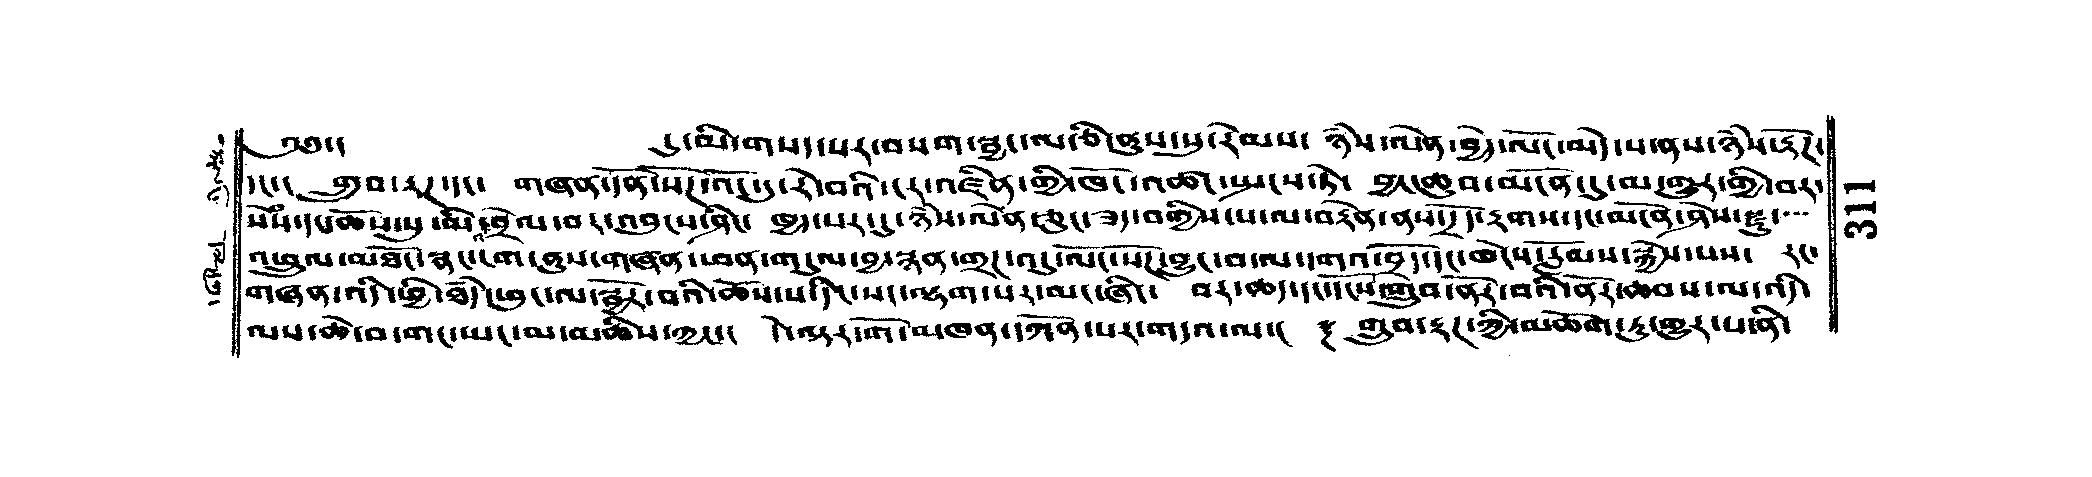དུ་མི་གསད་པར་བསག་སྦྱང་ལ་ཅི་ནུས་སུ་རེམས། ཉམས་ལེན་བྱེད་ལོང་མེད་པ་ནས་ཉམས་རྟོགས་
དང་། གྲུབ་རྟགས་དང་། གཞན་དོན་སོགས་འོང་དུ་རེ་བའི་ངར་འཛིན་གྱི་ཁོང་འཚང་སྤངས་ཏེ། བྱང་ཆུབ་མངོན་དུ་མ་གྱུར་གྱི་བར་
སེམས་དང་ཆོས་སུ་མི་འབྲལ་བར་འབུངས་ཤིང་། ཁྱད་པར་དུ་ཉམ་ལེན་ཅུང་ཟད་བགྱིས་པ་ལ་བརྟེན་ནས་དྲོད་རྟགས་དང་མངོན་ཤེས་རྫུ་
འཕྲུལ་མཐོང་སྣང་ངག་ནུས་གཞན་ཕན་གདུལ་བྱ་སྙན་གྲགས་འདུ་ལོང་སོགས་བྱུང་བ་ལ་དགའ་བྲོད་དང་ཁེངས་རློམས་སྐྱེས་པས། རང་
གཞན་འདི་ཕྱི་ཐམས་ཅད་ཕུང་ལ་སྦྱོར་བའི་ཆོས་པ་དིང་སང་ལྷག་པར་མང་ཞིང་། བར་ཆད་དང་དངོས་གྲུབ་ནོར་བའི་ནོར་ཚབས་ལ་འདི་
ལས་ཆེ་བ་གང་ཡང་མ་མཆིས་ཀྱང་།དེ་ལྟར་གོ་མཁན་དཀོན་པར་གདའ་ལ། གྲུབ་རྟགས་ཀྱི་མཆོག་ཏུ་གྱུར་པ་ནི་